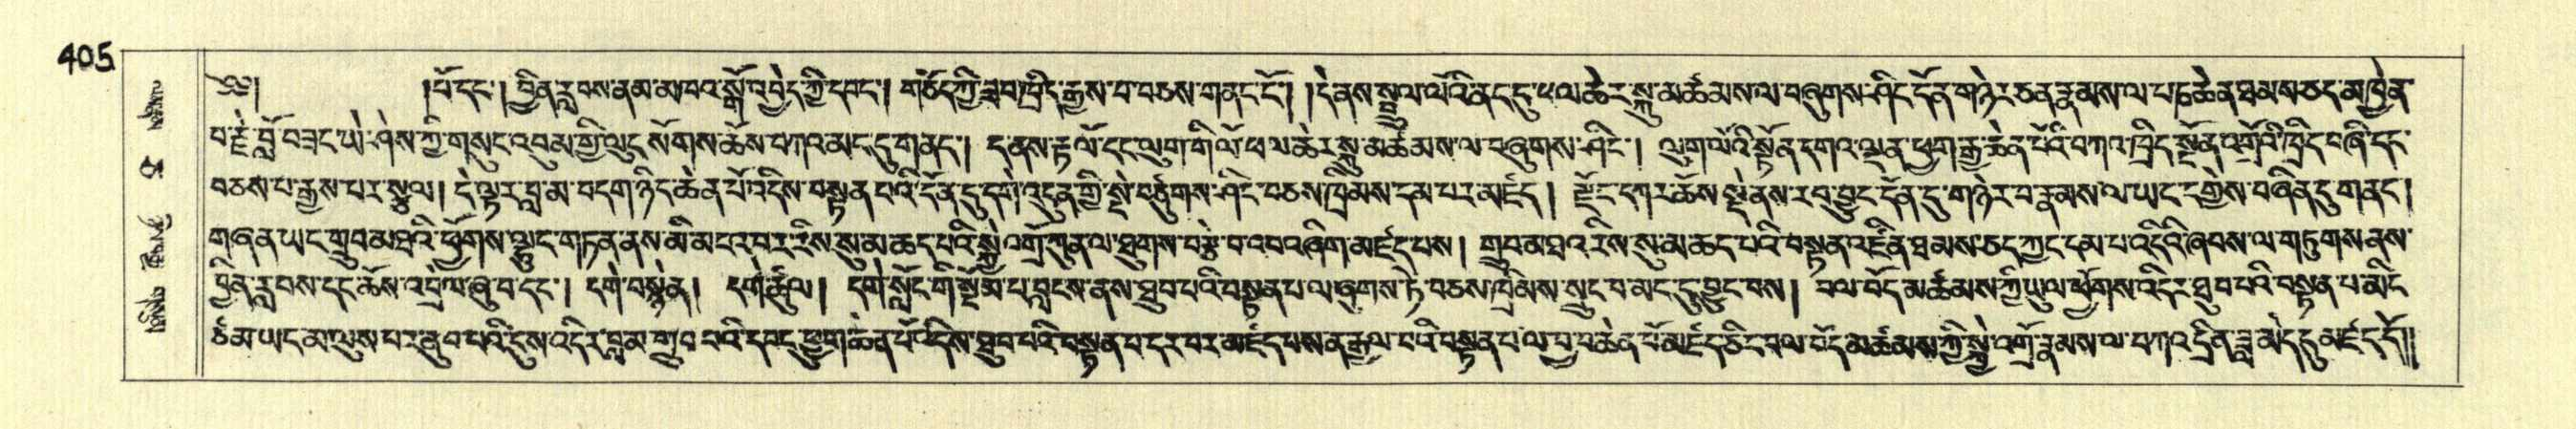༄༅། །པོ་དང་། བྱིན་རླབས་ནམ་མཁའ་སྒོ་འབྱེད་ཀྱི་དབང་། གཅོད་ཀྱི་ཟབ་ཁྲིད་རྒྱས་བ་བཅས་གནང་ངོ། །དེ་ནས་སྦྲུལ་ལོའི་ནང་དུ་ཕལ་ཆེར་སྐུ་མཚམས་ལ་བཞུགས་ཤིང་དོན་གཉེར་ཅན་རྣམས་ལ་པཎ་ཆེན་ཐམས་ཅད་མཁྱེན་
པ་རྗེ་བློ་བཟང་ཡེ་ཤེས་ཀྱི་གསུང་འབུམ་གྱི་ལུང་སོགས་ཆོས་བཀའ་མང་དུ་གནང་། ད་ནས་རྟ་ལོ་དང་ལུག་གི་ལོ་ཕལ་ཆེར་སྐུ་མཚམས་ལ་བཞུགས་ཤིང་། ལུག་ལོའི་སྟོན་དགའ་ལྡན་ཕྱག་རྒྱ་ཆེན་པོའི་བཀའ་ཁྲིད་སྔོན་འགྲོའི་ཁྲིད་བཞི་དང་
བཅས་པ་རྒྱས་པར་སྩལ། དེ་ལྟར་བླ་མ་བདག་ཉིད་ཆེན་པོ་འདིས་བསྟན་པའི་དོན་དུ་དགེ་འདུན་གྱི་སྡེ་བཙུགས་ཤིང་བཅས་ཁྲིམས་དམ་པར་མཛད། རྫོང་དཀར་ཆོས་སྡེ་ནས་རབ་བྱུང་དོན་དུ་གཉེར་བ་རྣམས་ལ་ཡང་དགྱེས་བཞིན་དུ་གནང་།
གཞན་ཡང་གྲུབ་མཐའི་ཕྱོགས་ལྷུང་གཏན་ནས་མི་མངའ་བར་རིས་སུ་མ་ཆད་པའི་སྐྱེ་འགྲོ་ཀུན་ལ་ཐུགས་བརྩེ་བ་འབའ་ཞིག་མཛད་པས། གྲུབ་མཐའ་རིས་སུ་མ་ཆད་པའི་བསྟན་འཛིན་ཐམས་ཅད་ཀྱང་དམ་པ་འདིའི་ཞབས་ལ་གཏུགས་ནས་
བྱིན་རླབས་དང་ཆོས་འབྲེལ་ཞུ་བ་དང་། དགེ་བསྙེན། དགེ་ཚུལ། དགེ་སློང་གི་སྔོམ་པ་བླངས་ནས་ཐུབ་པའི་བསྟན་པ་ལ་ཞུགས་ཏེ་བཅས་ཁྲིམས་སྲུང་བ་མང་དུ་བྱུང་བས། བལ་བོད་མཚམས་ཀྱི་ཡུལ་ཕྱོགས་འདིར་ཐུབ་པའི་བསྟན་པ་མིང་
ཙམ་ཡང་མ་ལུས་པར་ནུབ་པའི་དུས་འདིར་བླ་མ་གྲུབ་པའི་དབང་ཕྱུག་ཆེན་པོ་འདིས་ཐུབ་པའི་བསྟན་བ་དར་བར་མཛད་པས་ན་རྒྱལ་བའི་བསྟན་པ་ལ་བྱ་བ་ཆེན་པོ་མཛད་ཅིང་བལ་བོད་མཚམས་ཀྱི་སྐྱེ་འགོར་རྣམས་ལ་བཀའ་དྲིན་ཟླ་མེད་དུ་མཛད་དོ།།